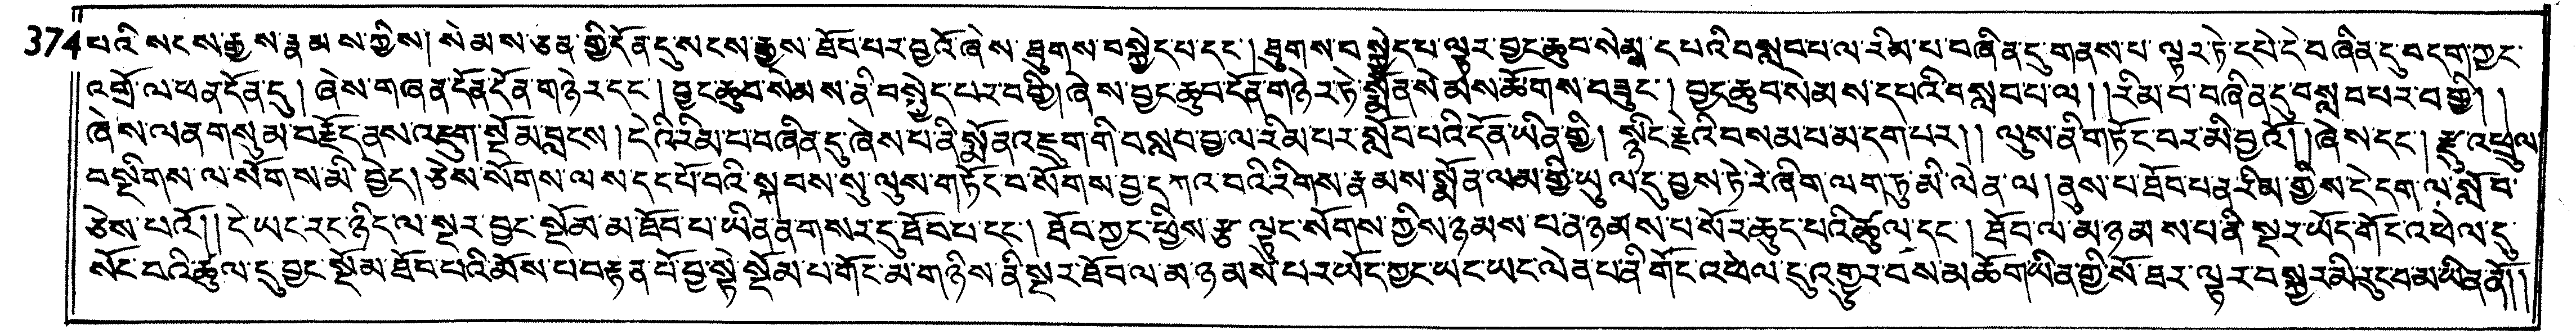པའི་སངས་རྒྱས་རྣམས་ཀྱིས། སེམས་ཅན་གྱི་དོན་དུ་སངས་རྒྱས་ཐོབ་པར་བྱའོ་ཞེས་ཐུགས་བསྐྱེད་པ་དང་། ཐུགས་བསྐྱེད་པ་ལྟར་བྱང་ཆུབ་སེམས་དཔའི་བསླབ་པ་ལ་རིམ་པ་བཞིན་དུ་གནས་པ་ལྟར་ཏེ་དཔེ་དེ་བཞིན་དུ་བདག་ཀྱང་
འགྲོ་ལ་ཕན་དོན་དུ། ཞེས་གཞན་དོན་དོན་གཉེར་དང་། བྱང་ཆུབ་སེམས་ནི་བསྐྱེད་པར་བགྱི། ཞེས་བྱང་ཆུབ་དོན་གཉེར་ཏེ་སྨོན་སེམས་ཆོགས་བཟུང་། བྱང་ཆུབ་སེམས་དཔའི་བསླབ་པ་ལ། །རིམ་པ་བཞིན་དུ་བསླབ་པར་བགྱི། །
ཞེས་ལན་གསུམ་བརྗོད་ནས་འཇུག་སྡོམ་བླངས། དེའི་རིམ་པ་བཞིན་དུ་ཞེས་པ་ནི་སྨོན་འཇུག་གི་བསླབ་བྱ་ལ་རིམ་པར་སློབ་པའི་དོན་ཡིན་གྱི། སྙིང་རྗེའི་བསམ་པ་མ་དག་པར། །ལུས་ནི་གཏོང་བར་མི་བྱའོ། །ཞེས་དང་། རྫུ་འཕྲུལ་
བསྡིགས་ལ་སོགས་མི་བྱེད། ཅེས་སོགས་ལས་དང་པོ་བའི་སྐབས་སུ་ལུས་གཏོང་བ་སོགས་བྱ་དཀའ་བའི་རིགས་རྣམས་སྨོན་ལམ་གྱི་ཡུལ་དུ་བྱས་ཏེ་རེ་ཞིག་ལག་ཏུ་མི་ལེན་ལ། ནུས་པ་ཐོབ་པ་ན་རིམ་གྱིས་དེ་དག་ལ་སློབ་
ཅེས་པའོ། །དེ་ཡང་རང་ཉིད་ལ་སྔར་བྱང་སྡོམ་མ་ཐོབ་པ་ཡིན་ན་གསར་དུ་ཐོབ་པ་དང་། ཐོབ་ཀྱང་ཕྱིས་རྩ་ལྟུང་སོགས་ཀྱིས་ཉམས་པ་ན་ཉམས་པ་སོར་ཆུད་པའི་ཚུལ་དང་། ཐོབ་ལ་མ་ཉམས་པ་ནི་སྔར་ཡོད་གོང་འཕེལ་དུ་
སོང་བའི་ཚུལ་དུ་བྱང་སྡོམ་ཐོབ་པའི་མོས་པ་བརྟན་པོ་བྱ་སྟེ་སྡོམ་པ་གོང་མ་གཉིས་ནི་སྔར་ཐོབ་ལ་མ་ཉམས་པར་ཡོད་ཀྱང་ཡང་ཡང་ལེན་པ་ནི་གོང་འཕེལ་དུ་འགྱུར་བས་མཆོག་ཡིན་གྱི་སོ་ཐར་ལྟར་བསྐྱར་མི་རུང་བ་མ་ཡིན་ནོ། །